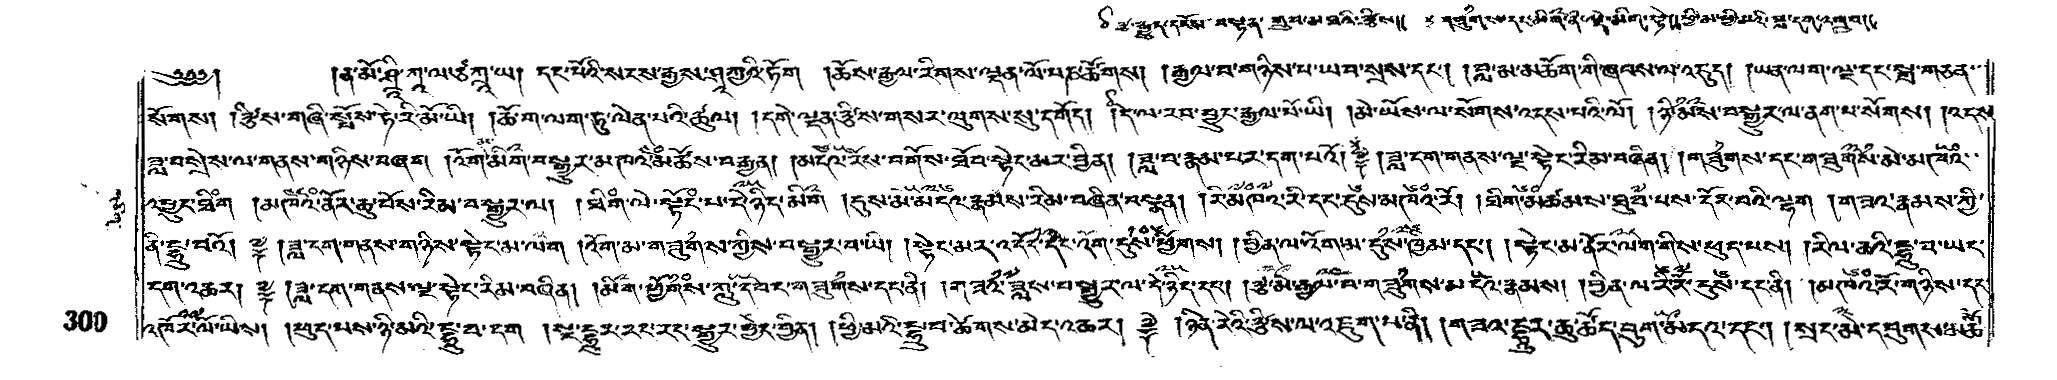༄༅༅། །ན་མོ་ཤྲཱི་ཀཱ་ལ་ཙཀྲཱ་ཡ། དང་པོའི་སངས་རྒྱས་ཤཱཀྱའི་ཏོག །ཆོས་རྒྱལ་རིགས་ལྡན་ལོ་པཎ་ཚོགས། །རྒྱལ་བ་གཉིས་པ་ཡབ་སྲས་དང་། །བླ་མ་མཆོག་གི་ཞབས་ལ་འདུད། །ཡན་ལག་ལྔ་དང་སྒྲ་གཅན་
སོགས། །རྩིས་གཞི་སྤོས་ཏེ་རི་མོ་ཡི། །ཆོ་ག་ལག་ཏུ་ལེན་པའི་ཚུལ། །དགེ་ལྡན་རྩིས་གསར་ལུགས་སུ་དགོད། རྩ་རྒྱུད་དངོས་བསྟན་གྲུབ་མཐའི་རྩིས།།  །དེ་ལ་རབ་བྱུང་རྒྱལ་པོ་ཡི། །མེ་ཡོས་ལ་སོགས་འདས་པའི་ལོ། །ཉི་མས་བསྒྱུར་ལ་ནག་པ་སོགས། །འདས་
ཟླ་བསྲེས་ལ་གནས་གཉིས་བཞག །འོག་མ་མིག་བསྒྱུར་མཁའ་མཚོས་བརྒྱན། །མདའ་རོས་བགོས་ཐོབ་སྟེང་མར་བྱིན། །ཟླ་བ་རྣམ་པར་དག་པའོ། གཟུགས་དང་མིག་ནི་ལྡེ་མིག་སྟེ། །ཕྱི་མ་ཕྱི་མའི་ཟླ་དག་འགྲུབ།།  །ཟླ་དག་གནས་ལྔ་སྟེང་རིམ་བཞིན། །གཟུགས་དང་གཟུགས་མེ་མཁའ་
འབྱུང་ཐིགཾ་།མཁའ་ནོར་ཆུ་བོས་རིམ་བསྒྱུར་ལ། །ཐིག་ལེ་སྟོང་པ་དེ་ཉིད་མིག །དུས་མེ་མདའ་རྣམས་རིམ་བཞིན་བསྣན། །རི་མཁའ་རི་དང་དུས་མཁའ་རོ། །ཐིག་མཚམས་ཐུབ་པས་དོར་བའི་ལྷག །གཟའ་རྣམས་ཀྱི་
ནི་དྷྲུ་བའོ། ༈ །ཟླ་དག་གནས་གཉིས་སྟེང་མ་ལག །འོག་མ་གཟུགས་ཀྱིས་བསྒྱུར་བ་ཡི། །སྟེང་མར་འདོད་དང་འོག་དུས་ཕྱོགས། །བྱིན་ལ་འོག་མ་དུས་ཁྱིམ་དང་། །སྟེང་མ་ནོར་ལག་གིས་ཕུད་པས། །རིལ་ཆའི་དྷྲུ་བ་ཡང་
དག་འཆར། ༈ །ཟླ་དག་གནས་ལྔ་སྟེང་རིམ་བཞིན། །མིག་ཕྱོགས་ཀླུ་དབང་གཟུགས་དང་ནི། །གཟའ་ཟླས་བསྒྱུར་ལ་དེ་ཉིད་དང་། །རྩ་མེ་རྒྱལ་བ་གཟུགས་མདའ་རྣམས། །བྱིན་ལ་རིར་དུས་དང་ནི། །མཁའ་རོ་གཉིས་དང་
འཁོར་ལོ་ཡིས། །ཕུད་པས་ཉི་མའི་དྷྲུ་བ་དག །སྔ་དྷྲུར་རང་རང་སྒྱུར་བྱེད་བྱིན། །ཕྱི་མའི་དྷྲུ་བ་ཚེགས་མེད་འཆར། ༈ །ཉིན་རེའི་རྩིས་ལ་འཇུག་པ་ནི། །གཟའ་དྷྲཱུར་ཆུ་ཚོད་བུག་མདའ་དང་། །སྲང་མེ་དབུགས་མཚོ་